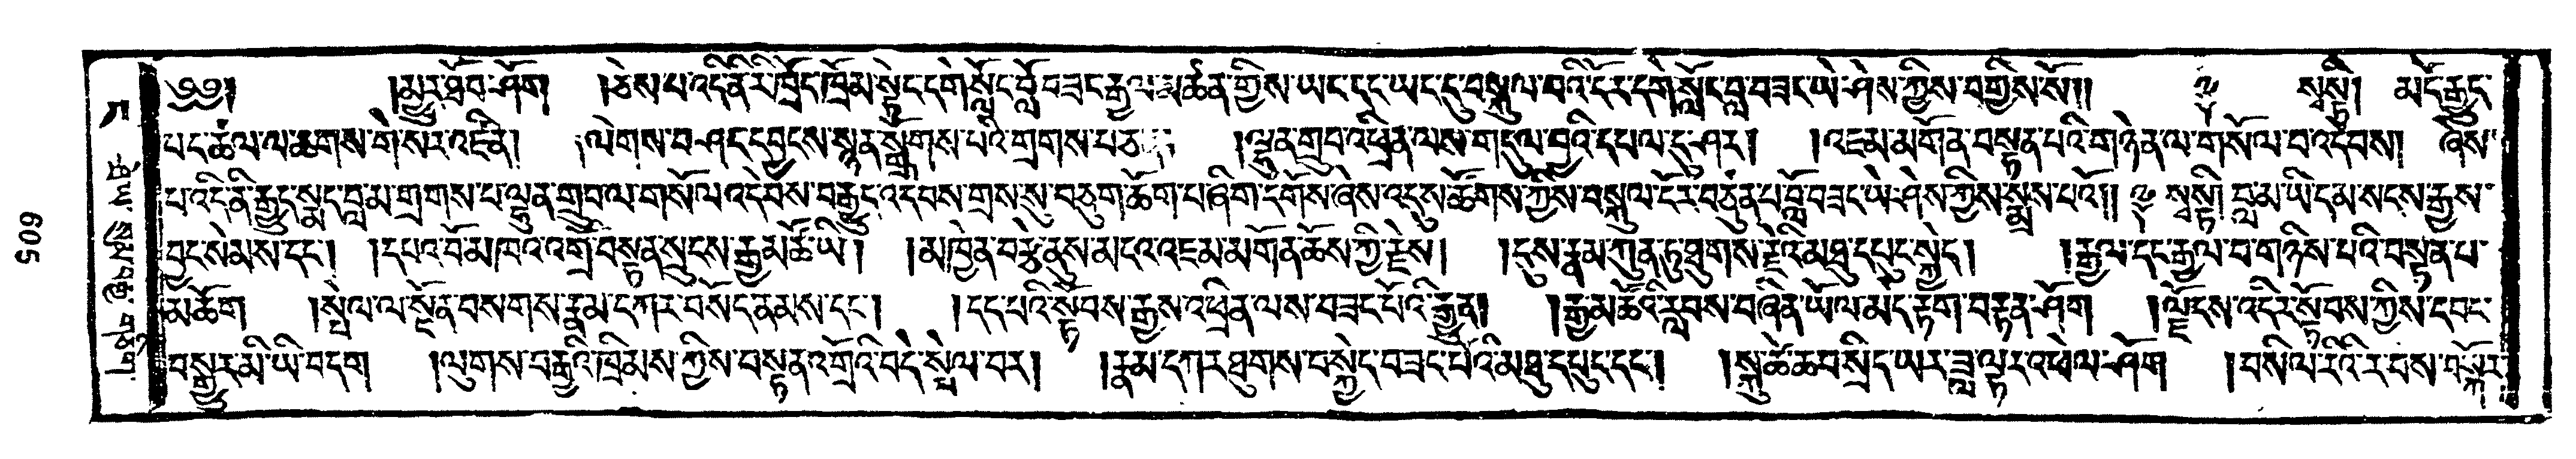༄༅། །མྱུར་ཐོབ་ཤོག །ཅེས་པ་འདི་ནི་རི་ཁྲོད་ཁྲོམ་སྟེང་དགེ་སློང་བློ་བཟང་རྒྱལ་མཚན་གྱིས་ཡང་དང་ཡང་དུ་བསྐུལ་བའི་ངོར་དགེ་སློང་བླ་བཟང་ཡེ་ཤེས་ཀྱིས་བགྱིས་སོ།། ༈ སྭསྟི། མདོ་རྒྱུད་
པད་ཚལ་ལ་ཆགས་གེ་སར་འཛིན། །ལེགས་བཤད་དབྱངས་སྙན་སྒྲོགས་པའི་གྲགས་པ་ཅན། །ལྷུན་གྲུབ་འཕྲིན་ལས་གདུལ་བྱའི་དཔལ་དུ་ཤར། །འཇམ་མགོན་བསྟན་པའི་གཉེན་ལ་གསོལ་བ་འདེབས། ཞེས་
པ་འདི་ནི་རྒྱུད་སྨད་བླ་མ་གྲགས་པ་ལྷུན་གྲུབ་ལ་གསོལ་འདེབས་བརྒྱུད་འདེབས་གྲས་སུ་བཅུག་ཆོག་པ་ཞིག་དགོས་ཞེས་འདུས་ཚོགས་ཀྱིས་བསྐུལ་ངོར་བཙུན་པ་བློ་བཟང་ཡེ་ཤེས་ཀྱིས་སྨྲས་པའོ།། ༈ སྭསྟི། བླ་མ་ཡི་དམ་སངས་རྒྱས་
བྱང་སེམས་དང་། །དཔའ་བོ་མཁའ་འགྲོ་བསྟན་སྲུངས་རྒྱ་མཚོ་ཡི། །མཁྱེན་བརྩེ་ནུས་མངའ་འཇམ་མགོན་ཆོས་ཀྱི་རྗེས། །དུས་རྣམ་ཀུན་ཏུ་ཐུགས་རྗེའི་མཐུ་དཔུང་སྐྱེད། །རྒྱལ་དང་རྒྱལ་བ་གཉིས་པའི་བསྟན་པ་
མཆོག །སྤེལ་ལ་སྔོན་བསགས་རྣམ་དཀར་བསོད་ནམས་དང་། །དད་པའི་སྟོབས་རྒྱས་འཕྲིན་ལས་བཟང་པོའི་རྒྱུན། །རྒྱ་མཚོའི་རླབས་བཞིན་ཡོལ་མེད་རྟག་བརྟན་ཤོག །ལྗོངས་འདིར་སྟོབས་ཀྱིས་དབང་
བསྒྱུར་མི་ཡི་བདག །ལུགས་བརྒྱའི་ཁྲིམས་ཀྱིས་བསྟན་འགྲོའི་བདེ་སྤེལ་བར། །རྣམ་དཀར་ཐུགས་བསྐྱེད་བཟང་པོའི་མཐུ་དཔུང་དང་། །སྐུ་ཚེ་ཆག་སྲིད་ཡར་ཟླ་ལྟར་འཕེལ་ཤོག །བསིལ་རིའི་ར་བས་བསྐོར་